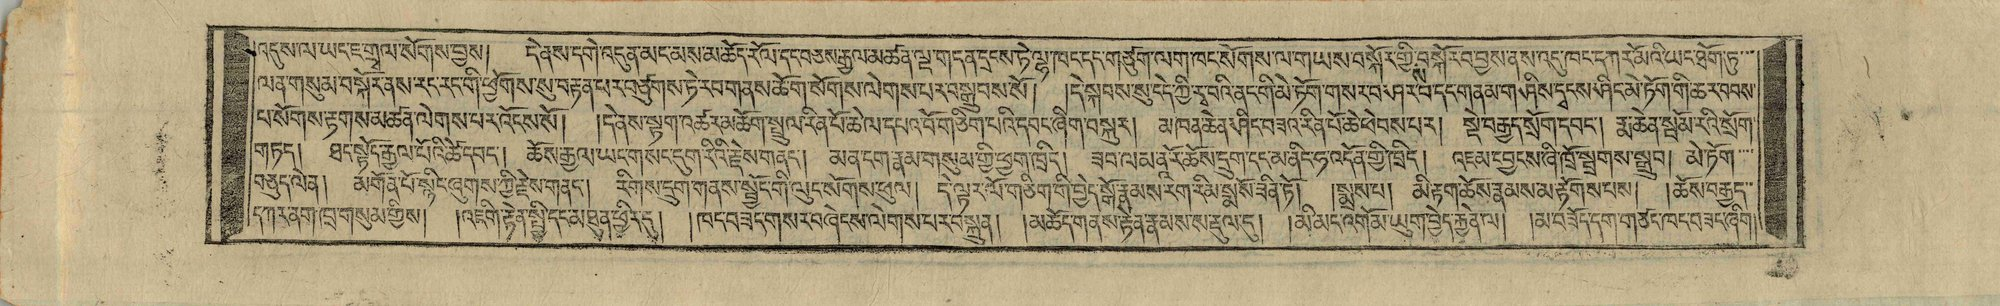འདུས་ལ་ཡང་ཇ་གྲྭལ་སོགས་བྱས། དེ་ནས་དགེ་འདུན་མང་མས་མཆོད་རོལ་དང་བཅས་རྒྱལ་མཚན་ལྔ་གདན་དྲངས་ཏེ་ལྷ་ཁང་དང་གཙུག་ལག་ཁང་སོགས་ལ་གཡས་བསྐོར་གྱིས་བསྐོར་བ་བྱས་ནས་འདུ་ཁང་དཀར་མོའི་ཡང་ཐོག་ཏུ་
ལན་གསུམ་བསྐོར་ནས་རང་རང་གི་ཕྱོགས་སུ་བརྟན་པར་བཙུགས་ཏེ་རབ་གནས་ཆོ་ག་སོགས་ལེགས་པར་བསྒྲུབས་སོ། །དེ་སྐབས་སུ་ངེད་ཀྱི་རྭ་བའི་ནང་གི་མེ་ཏོག་གསར་བ་ཤར་བ་དང་གནམ་གཤིས་དྭངས་ཤིང་མེ་ཏོག་གི་ཆར་བབས་
པ་སོགས་རྟགས་མཚན་ལེགས་པར་འོངས་སོ། །དེ་ནས་སྟག་འཚར་མཆོག་སྤྲུལ་རིན་པོ་ཆེ་ལ་དཔའ་བོ་གཅིག་པའི་དབང་ཞིག་བསྐུར། མཁན་ཆེན་ཤིང་བཟའ་རིན་པོ་ཆེ་ཕེབས་པར། སྡེ་བརྒྱད་སྲོག་དབང་། རྨ་ཆེན་སྦོམ་རའི་སྲོག་
གཏད། ཐང་སྟོང་རྒྱལ་པོའི་ཚེ་དབང་། ཆོས་རྒྱལ་ཡང་གསང་དུག་རིའི་རྗེས་གནང་། མན་ངག་རྣམ་གསུམ་གྱི་ཕྱག་ཁྲིད། ཟབ་ལམ་ནཱ་རོ་ཆོས་དྲུག་དང་མ་ནིང་ཧ་འདོན་གྱི་ཁྲིད། འཇམ་དབྱངས་ཞི་ཁྲོ་སྦྲགས་སྒྲུབ། མེ་ཏོག་
བཅུད་ལེན། མགོན་པོ་སྙིང་ཞུགས་ཀྱི་རྗེས་གནང་། རིགས་དྲུག་གནས་སྦྱོང་གི་ལུང་སོགས་ཕུལ། དེ་ལྟར་ལོ་གཅིག་གི་བྱེད་སྒོ་རྣམས་རག་རིམ་སྨོས་ཟིན་ཏོ། །སྨྲས་པ། མི་རྟག་ཆོས་རྣམས་མ་རྟོགས་པས། །ཆོས་བརྒྱད་
དཀར་ནག་ཁྲ་གསུམ་གྱིས། །འཇིག་རྟེན་སྤྱི་དང་མཐུན་ཕྱིར་དུ། །ཁང་བཟང་གསར་བཞེངས་ལེགས་པར་བསྐྲུན། །མཆོད་གནས་རྟེན་རྣམས་ས་རྡུལ་དུ། །མི་མང་འགོམ་ཡུག་བྱེད་རྐྱེན་ལ། །མ་བཟོད་དག་གཙང་ཁང་བཟང་ཞིག །